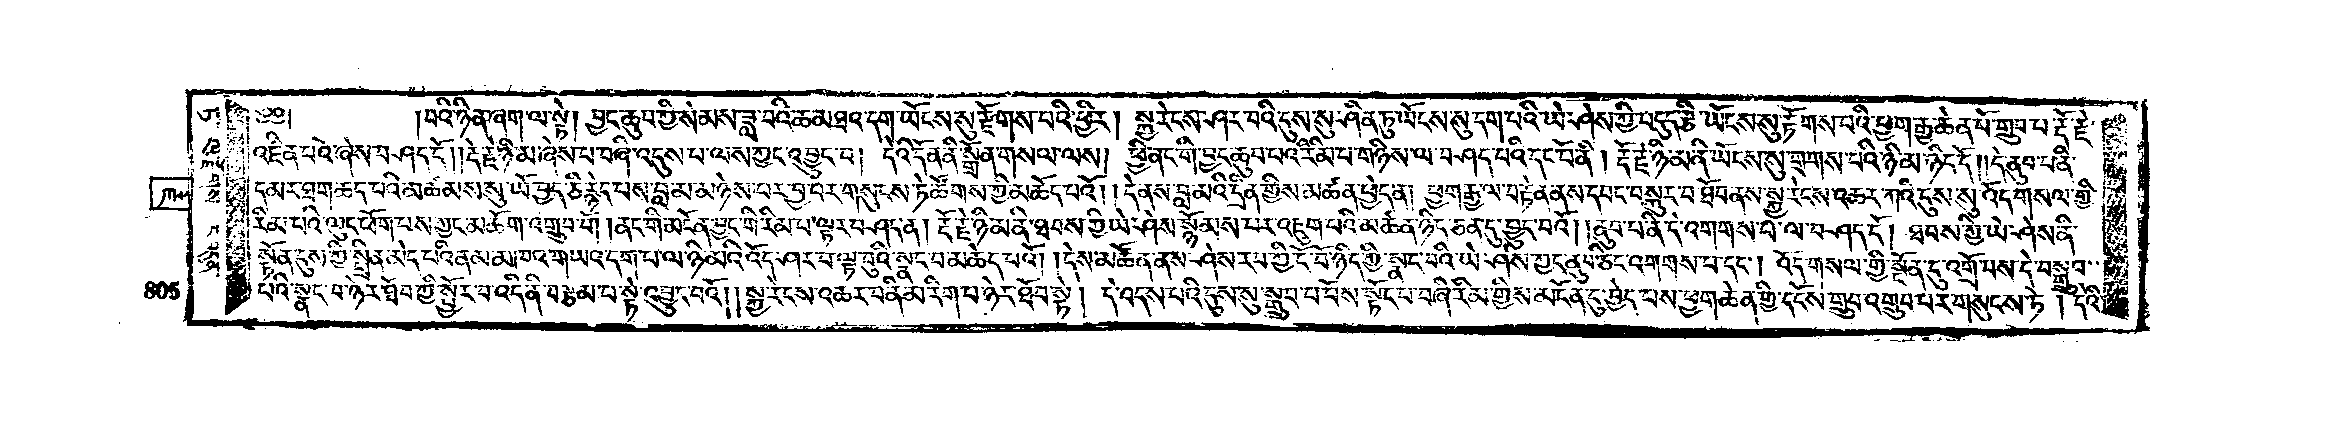༄༅། །བའི་ཉིན་ཞག་ལ་སྟེ། བྱང་ཆུབ་ཀྱི་སེམས་ཟླ་བའི་ཆ་མཐའ་དག་ཡོངས་སུ་རྫོགས་པའི་ཕྱིར། སྐྱ་རེངས་ཤར་བའི་དུས་སུ་ཤིན་ཏུ་ཡོངས་སུ་དག་པའི་ཡེ་ཤེས་ཀྱི་བདུད་རྩི་ཡོངས་སུ་རྫོགས་པའི་ཕྱག་རྒྱ་ཆེན་པོ་གྲུབ་པ་རྡོ་རྗེ་
འཛིན་པའོ་ཞེས་བཤད་དོ། །རྡོ་རྗེ་ཉི་མ་ཞེས་པ་བཞི་འདུས་པ་ལས་ཀྱང་འབྱུང་བ། དེའི་དོན་ནི་སྒྲོན་གསལ་ལས། ཕྱི་ནང་གི་བྱང་ཆུབ་པའི་རིམ་པ་གཉིས་ལ་བཤད་པའི་དང་པོ་ནི། རྡོ་རྗེ་ཉི་མ་ནི་ཡོངས་སུ་གྲགས་པའི་ཉི་མ་ཉིད་དོ། །དེ་ནུབ་པ་ནི་
དམར་ཐག་ཆད་པའི་མཚམས་སུ་ཡོ་བྱད་ཅི་རྙེད་པས་བླ་མ་མཉེས་པར་བྱ་བར་གསུངས་ཏེ་ཚོགས་ཀྱི་མཆོད་པའོ། །དེ་ནས་བླ་མའི་དྲིན་གྱིས་མཚན་ཕྱེད་ན། ཕྱག་རྒྱ་ལ་བརྟེན་ནས་དབང་བསྐུར་བ་ཐོབ་ནས་སྐྱ་རེངས་འཆར་ཀའི་དུས་སུ་འོད་གསལ་གྱི་
རིམ་པའི་ལུང་ཕོག་པས་ཀྱང་མཆོག་འགྲུབ་བོ། །ནང་གི་མངོན་བྱང་གི་རིམ་པ་ལྟར་བཤད་ན། རྡོ་རྗེ་ཉི་མ་ནི་ཐབས་ཀྱི་ཡེ་ཤེས་སྙོམས་པར་འཇུག་པའི་མཚན་ཉིད་ཅན་དུ་བྱུང་བའོ། །ནུབ་པ་ནི་དེ་འགགས་པ་ལ་བཤད་དོ། ཐབས་ཀྱི་ཡེ་ཤེས་ནི་
སྟོན་དུས་ཀྱི་སྤྲིན་མེད་པའི་ནམ་མཁའ་གཡའ་དག་པ་ལ་ཉི་མའི་འོད་ཤར་བ་ལྟ་བུའི་སྣང་བ་མཆེད་པའོ། །དེས་མཚོན་ནས་ཤེས་རབ་ཀྱི་ངོ་བོ་ཉིད་ཀྱི་སྣང་བའི་ཡེ་ཤེས་ཀྱང་ནུབ་ཅིང་འགགས་པ་དང་། འོད་གསལ་གྱི་སྔོན་དུ་འགྲོ་བས་དེ་བསྒྲུབ་
པའི་སྣང་བ་ཉེར་ཐོབ་ཀྱི་སྦྱོར་བ་འདི་ནི་བརྩམ་པ་སྟེ་འབྱུང་བའོ། །སྐྱ་རེངས་འཆར་བ་ནི་མ་རིག་པ་ཉེར་ཐོབ་སྟེ། དེ་འདས་པའི་དུས་སུ་སྒྲུབ་པ་པོས་སྟོང་པ་བཞི་རིམ་གྱིས་མངོན་དུ་བྱེད་པས་ཕྱག་ཆེན་གྱི་དངོས་གྲུབ་འགྲུབ་པར་གསུངས་ཏེ། དེའི་